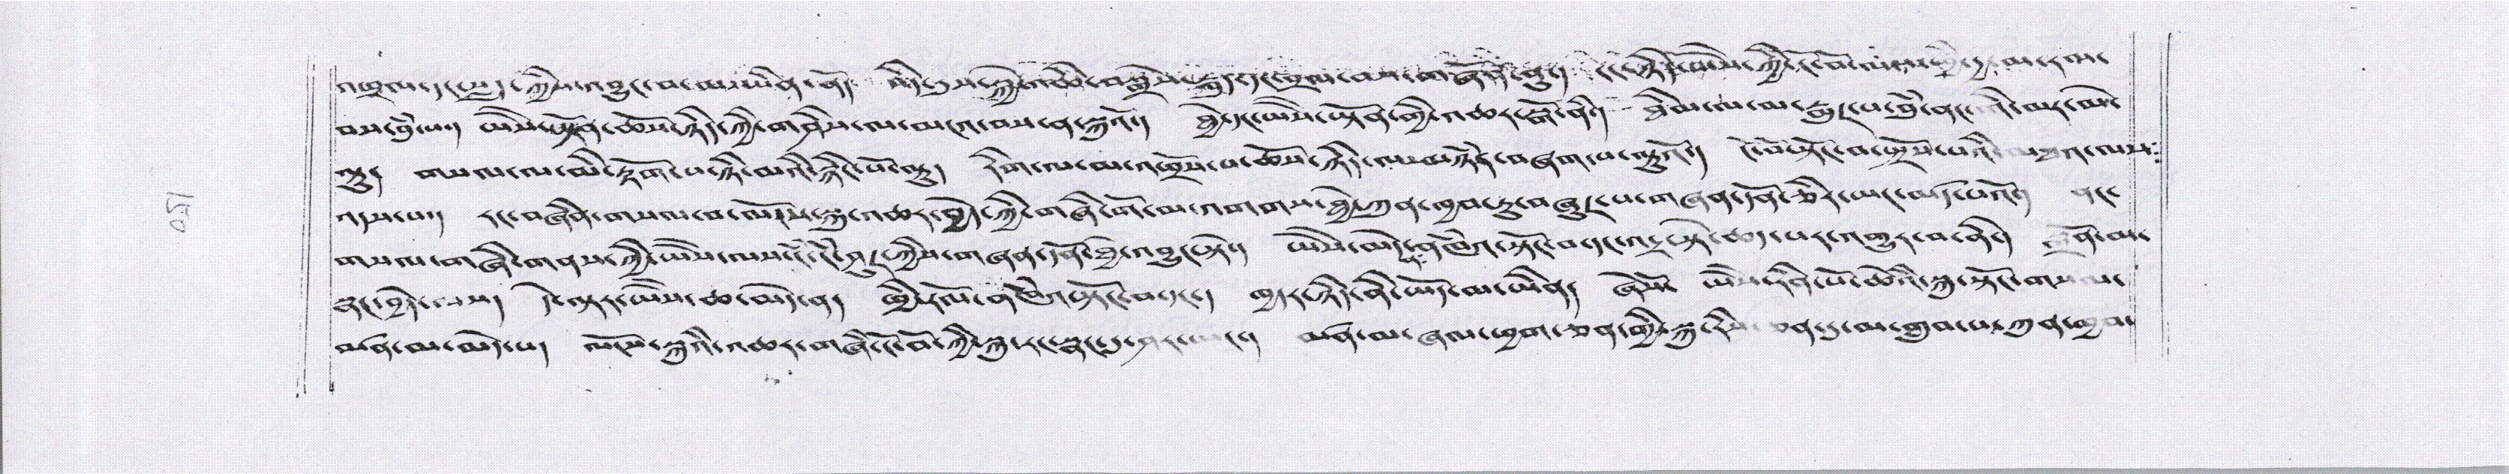འཕྲལ་དང་སླད་ཀྱིས་འབྱུང་བ་མ་ཡིན་ནོ། འདི་དུས་སྐྱེ་འཆི་བསྒྲེས་རྒུད་དང་བྲལ་བསག་གཞོན་ནུ། རང་ཉིད་ཡེ་ཤེས་ཀྱི་ངོ་བོ་ལས་ཕྱི་རྒྱ་མ་རལ་
བས་བུམ་པ། ཡེ་ཤེས་ཀྱི་ཡོན་ཏན་ཆོས་ཉིད་ཀྱི་གཤིས་ལ་མངའ་བས་ན་སྐུའོ། ཐུགས་རྗེ་དང་ཡེ་ཤེས་ཡོན་ཏན་གྱི་འཆར་སྒོ་ནི། ཐིམ་ལ་མ་རྨུགས་པ་བུམ་ནང་གི་མར་མེ་
ལྟ་བུ། གསལ་ལ་མི་རྟོག་པ་ཉི་མའི་སྙིང་པོ་ལྟ་བུ། རིག་ལ་མ་འཕྲོས་པ་ཆོས་ཉིད་ལ་མཉམ་པར་བཞག་པ་ལྟ་བུའོ། ངོ་བོ་སྟོང་པ་སྤྲོས་པའི་མཐའ་ལས་
འདས་པ། རང་བཞིན་གསལ་བ་ལོངས་སྐུ་འཆར་བྱེད་ཀྱི་གཞི། གོ་མ་འགག་ཐུགས་རྗེ་ཀུན་ཁྱབ་ཏུ་བཞུགས་པ་གཞན་དོན་ཅིར་ཡང་མཛད་པའོ། ནང་
གསལ་གཞི་གནས་ཀྱི་ཡེ་ཤེས་ལས་ངམ་ངམ་ཤུགས་ཀྱིས་གཞན་དོན་ཐུགས་རྗེ་འབྱུང་སྟེ། ཡེ་ཤེས་མེད་ན་ནམ་མཁའ་སྟོང་པ་དང་འདྲ་སྟེ་ཆད་པར་འགྱུར་བ་ནི། སྒྲོན་མ་
སྣང་བྱེད་ལས། དེ་ལྟར་ཡེ་ཤེས་ཆ་མེད་ན། ཕྱི་རོལ་ནམ་མཁའ་སྟོང་པ་དང་། ཁྱད་པར་ཉིད་ནི་ཡོད་མ་ཡིན། ཞེས་སོ། ཡེ་ཤེས་རིན་པོ་ཆེའི་སྐུ་སྟོང་གསལ་
མཚན་མ་མེད་པ་ལོངས་སྐུའི་འཆར་གཞི་ངོ་བོ་༼ཉིད་༽ཀྱི་སྐུ་རང་སྣང་དུ་ཤར་ཡང་། མཚན་མ་ཞལ་ཕྱག་ཅན་གྱི་སྐུ་རིས་ཅན་དུ་མ་གྲུབ་པ་ཀུན་ཁྱབ་